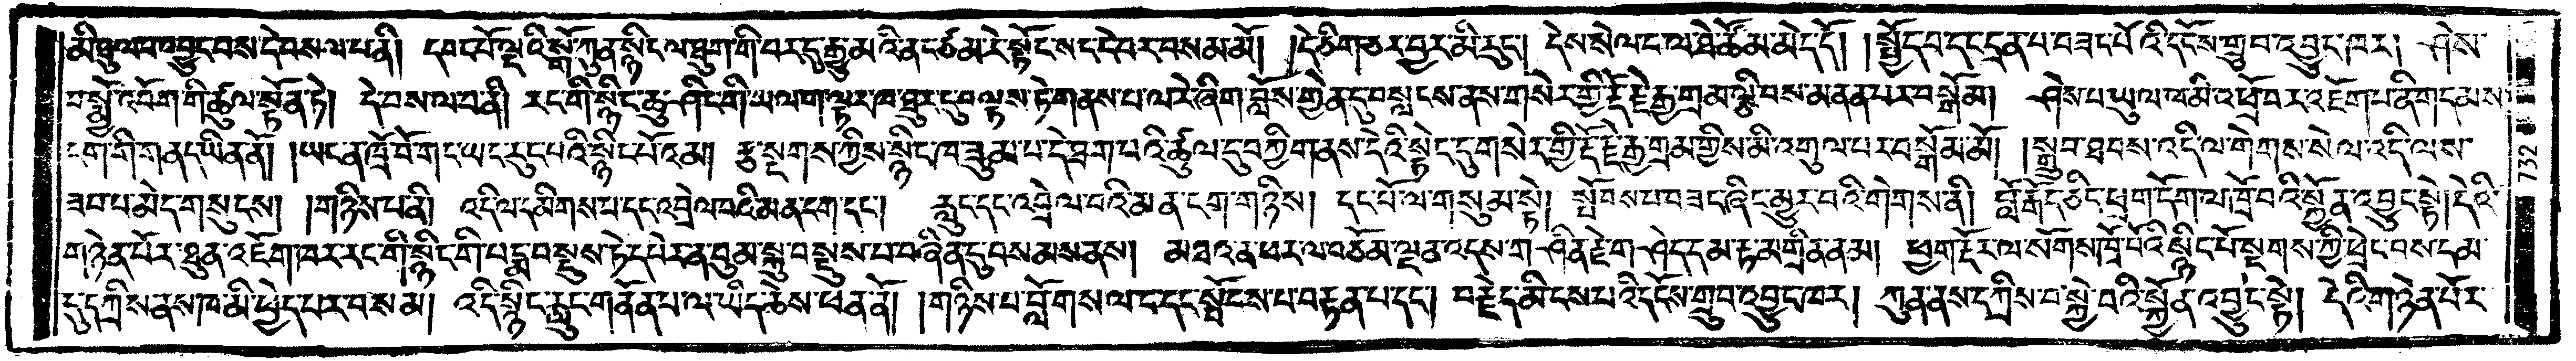མི་ཐུལ་བ་འབྱུང་བས་དེ་བསལ་པ་ནི། དབང་པོ་ལྔའི་སྒོ་ཀུན་སྙིང་ལ་ཐུག་གི་བར་དུ་རྒྱུ་མའི་ནང་ཙམ་རེ་སྟོང་སང་ངེ་བར་བསམ་མོ། །དེ་ཅིག་ཅར་བྱར་མི་རུང་། དེས་སེལ་པ་ལ་ཐེ་ཚོམ་མེད་དོ། །སྤྱོད་པ་དང་དྲན་པ་བཟང་པོའི་དངོས་གྲུབ་འབྱུང་ཁར། ཤེས་
པ་སྨྱོ་འབོག་གི་ཚུལ་སྟོན་ཏེ། དེ་བསལ་བ་ནི། རང་གི་སྙིང་ཆུ་ཤིང་གི་ཡལ་ག་ལྟར་ཁ་ཐུར་དུ་བལྟས་ཏེ་གནས་པ་ལ་རེ་ཞིག་བློས་གྱེན་དུ་བསླངས་ནས་གསེར་གྱི་རྡོ་རྗེ་རྒྱ་གྲམ་ལྕི་བས་མནན་པར་བསྒོམ། ཤེས་པ་ཡུལ་ལ་མི་འཕྲོ་བར་འཇོག་པ་ནི་གདམས་
ངག་གི་གནད་ཡིན་ནོ། །ཡང་ན་ཁྲོ་བོ་གང་ཡང་རུང་པའི་སྙིང་པོའམ། རྩ་སྔགས་ཀྱིས་སྙིང་ཁ་ཟུམ་པ་དེ་ཐག་པའི་ཚུལ་དུ་བཀྱིག་ནས་དེའི་སྟེང་དུ་གསེར་གྱི་རྡོ་རྗེ་རྒྱ་གྲམ་གྱིས་མི་འགུལ་པར་བསྒོམ་མོ། །སྒྲུབ་ཐབས་འདི་ལ་གེགས་སེལ་འདི་ལས་
ཟབ་པ་མེད་གསུངས། །གཉིས་པ་ནི། འདི་ལ་དམིགས་པ་དང་འབྲེལ་བའི་མན་ངག་དང་། རླུང་དང་འབྲེལ་བའི་མན་ངག་གཉིས། དང་པོ་ལ་གསུམ་སྟེ། སྤོབས་པ་བཟང་ཞིང་མྱུར་བའི་གེགས་ནི། བློ་རྒོད་ཅིང་ཕྲག་དོག་ལ་ཁྲོ་བའི་སྐྱོན་འབྱུང་སྟེ། དེའི་
གཉེན་པོར་ཐུན་འཇོག་ཁར་རང་གི་སྙིང་གི་པདམ་བསྡུས་ཏེ་དཔེར་ན་བུམ་སྐུ་བསྡུས་པ་བཞིན་དུ་བསམས་ནས། མཐའ་ཕར་ལ་བཅོམ་ལྡན་འདས་གཤིན་རྗེ་གཤེད་དམ་རྟ་མགྲིན་ནམ། ཕྱག་རྡོར་ལ་སོགས་ཁྲོ་བོའི་སྙིང་པོ་སྔགས་ཀྱི་ཕྲེང་བསད་མ་
དུ་དཀྲིས་ནས་ཁ་མི་ཕྱེད་པར་བསམ། འདི་སྙིང་རླུང་གནོན་པ་ལ་ཡིད་ཆེས་ཕན་ནོ། །གཉིས་པ་བློ་གསལ་ལ་ང་དང་སྤོངས་པ་བརྟན་པ་དང་། བརྗེད་མི་ངས་པའི་དངོས་གྲུབ་འབྱུང་ཁར། ཀུན་ནས་དཀྲིས་བསྐྱེ་བའི་སྐྱོན་འབྱུང་སྟེ། དེའི་གཉེན་པོར་